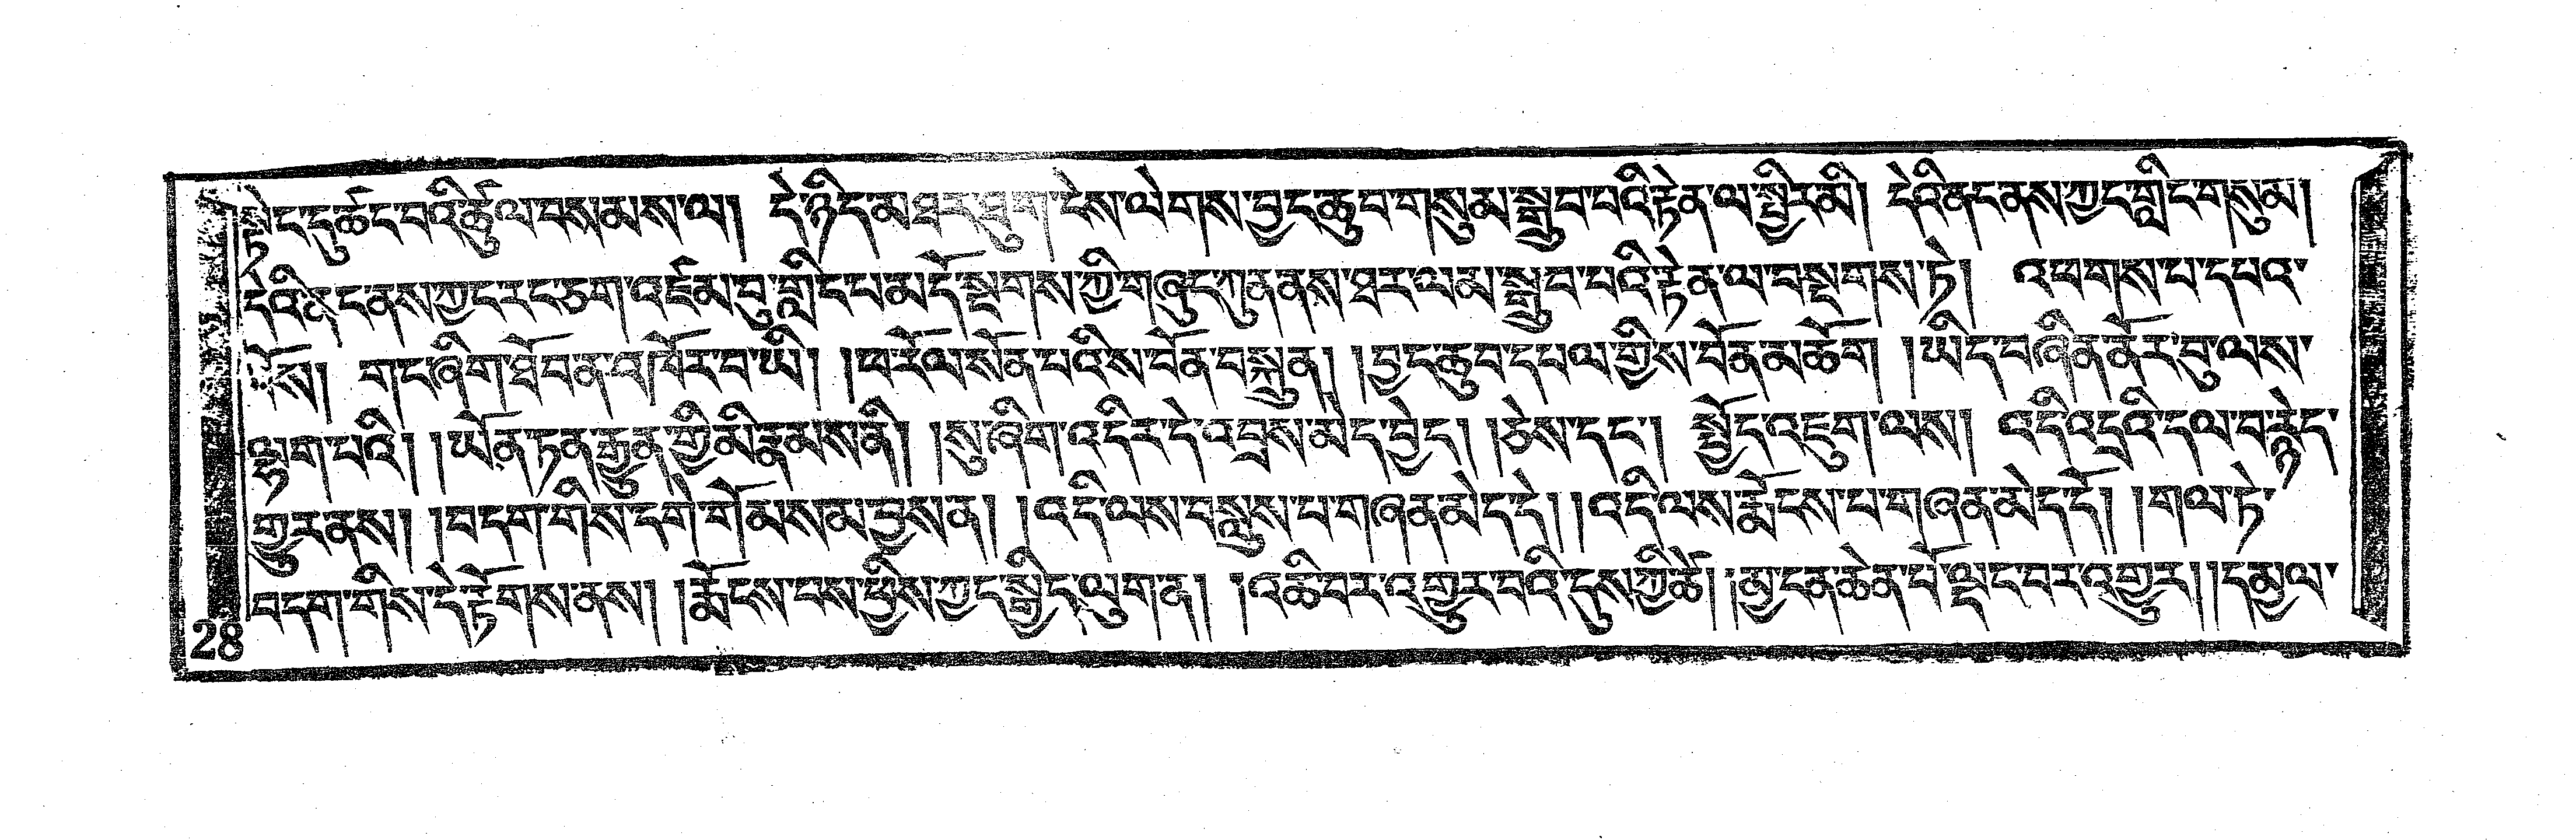སྟེང་དུ་ཚང་བའི་ཚུལ་བསམས་ལ། དེ་ཉིད་མཐར་ཐུག་ངེས་ལེགས་བྱང་ཆུབ་གསུམ་སྒྲུབ་པའི་རྟེན་ལ་སྤྱིར་མི། དེའི་ནང་ནས་ཀྱང་གླིང་གསུམ།
དེའི་ནང་ནས་ཀྱང་རང་ཅག་འཛམ་བུ་གླིང་པ་མདོ་སྔགས་ཀྱི་གཞུང་ཀུན་ནས་ཐར་ལམ་སྒྲུབ་པའི་རྟེན་ལ་བསྔགས་ཏེ། འཕགས་པ་དཔའ་
བོས། གང་ཞིག་ཐོབ་ན་འཁོར་བ་ཡི། །ཕ་རོལ་སོན་པའི་ས་བོན་བསྐྲུན། །བྱང་ཆུབ་དཔལ་གྱི་ས་བོན་མཆོག །ཡིད་བཞིན་ནོར་བུ་ལས་
ལྷག་པའི། །ཡོན་ཏན་རྒྱུན་གྱི་མི་རྣམས་ནི། །སུ་ཞིག་འདིར་དེ་འབྲས་མེད་བྱེད། །ཅེས་དང་། སྤྱོད་འཇུག་ལས། འདི་འདྲའི་དལ་བ་རྙེད་
གྱུར་ནས། །བདག་གིས་དགེ་གོམས་མ་བྱས་ན། །འདི་ལས་བསླུས་པ་གཞན་མེད་དེ། །འདི་ལས་རྨོངས་པ་གཞན་མེད་དོ། །གལ་ཏེ་
བདག་གིས་དེ་རྟོགས་ནས། །རྨོངས་པས་ཕྱིས་ཀྱང་སྒྱིད་ལུག་ན། །འཆི་བར་འགྱུར་བའི་དུས་ཀྱི་ཚེ། །མྱ་ངན་ཆེན་པོ་ལྡང་བར་འགྱུར། །དམྱལ་